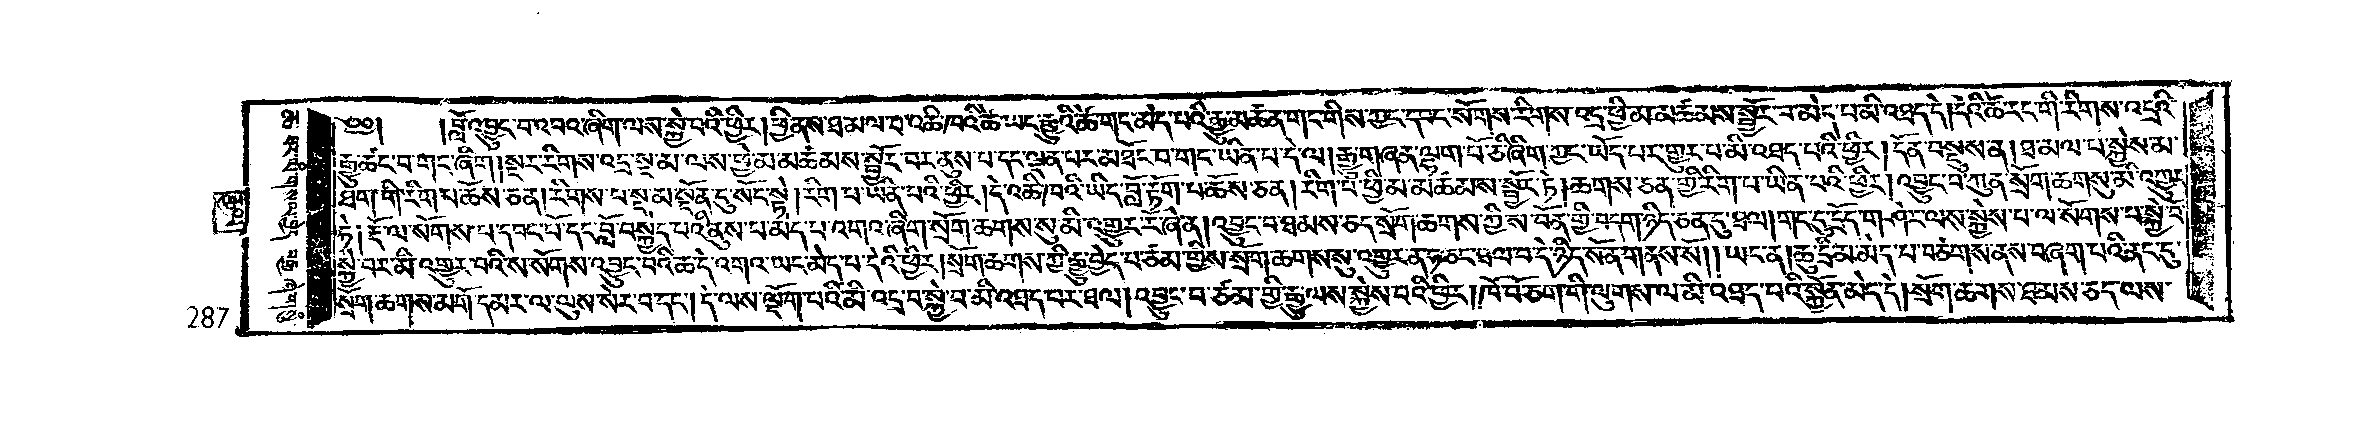༄༅། །བློ་འབྱུང་བ་འབའ་ཞིག་ལས་སྐྱེ་བའི་ཕྱིར། ཕྱི་ནས་ཐ་མལ་པ་འཆི་ཁའི་ཚེ་ཡང་རྒྱུའི་ཚེ་གང་མེད་པའི་རྒྱུ་མཚན་གང་གིས་ཀྱང་དབང་སོགས་རིགས་འདྲ་ཕྱི་མ་མཚམས་སྦྱོར་བ་མེད་པ་མི་འཐད་དེ། དེའི་ཚེ་རང་གི་རིགས་འདྲའི་
རྒྱུ་ཚང་བ་གང་ཞིག ། སྔར་རིགས་འདྲ་སྔ་མ་ལས་ཕྱི་མ་མཚམས་སྦྱོར་བར་ནུས་པ་དང་ལྡན་པར་མཐོང་བ་གང་ཡིན་པ་དེ་ལ། རྒྱུ་གཞན་ལྷག་པོ་ཅི་ཞིག་ཀྱང་ཡོད་པར་གྱུར་པ་མི་འཐད་པའི་ཕྱིར། དོན་བསྡུས་ན། ཐ་མལ་པ་སྐྱེས་མ་
ཐག་གི་རིག་པ་ཆོས་ཅན། རིགས་པ་སྔ་མ་སྔོན་དུ་སོང་སྟེ། རིག་པ་ཡིན་པའི་ཕྱིར། དེ་འཆི་ཁའི་ཡིད་བློ་རྟོག་པ་ཆོས་ཅན། རིག་པ་ཕྱི་མ་མཚམས་སྦྱོར་ཏེ། ཆགས་ཅན་གྱི་རིག་པ་ཡིན་པའི་ཕྱིར། འབྱུང་བ་ཀུན་སྲོག་ཆགས་སུ་མི་འགྱུར་
ཏེ། རྡོ་ལ་སོགས་པ་དབང་པོ་དང་བློ་བསྐྱེད་པའི་ནུས་པ་མེད་པ་འགའ་ཞིག་སྲོག་ཆགས་སུ་མི་འགྱུར་རོ་ཞེ་ན། འབྱུང་བ་ཐམས་ཅད་སྲོག་ཆགས་ཀྱི་ས་བོན་གྱི་བདག་ཉིད་ཅན་དུ་ཐལ། གང་དུ་དྲོད་གཤེར་ལས་སྐྱེས་པ་ལ་སོགས་པ་སྐྱེ་བོ་
སྐྱེ་བར་མི་འགྱུར་བའི་ས་སོགས་འབྱུང་བའི་ཆ་དེ་འགའ་ཡང་མེད་པ་དེའི་ཕྱིར། སྲོག་ཆགས་ཀྱི་རྒྱུ་བྱེད་པ་ཙམ་གྱིས་སྲོག་ཆགས་སུ་འགྱུར་ན་ཧ་ཅང་ཐལ་བ་དེ་ཉིད་སོ་ན་གནས་སོ། །ཡང་ན། ཆུ་དྲི་མ་མེད་པ་བཙགས་ནས་བཞག་པའི་ནང་དུ་
སྲོག་ཆགས་མགོ་དམར་ལ་ལུས་སེར་བ་དང་། དེ་ལས་ལྡོག་པའི་མི་འདྲ་བ་སྐྱེ་བ་མི་འཐད་པར་ཐལ། འབྱུང་བ་ཙམ་གྱི་རྒྱུ་ལས་སྐྱེས་པའི་ཕྱིར། ཁོ་བོ་ཅག་གི་ལུགས་ལ་མི་འཐད་པའི་སྐྱོན་མེད་དེ། སྲོག་ཆགས་ཐམས་ཅད་ལས་